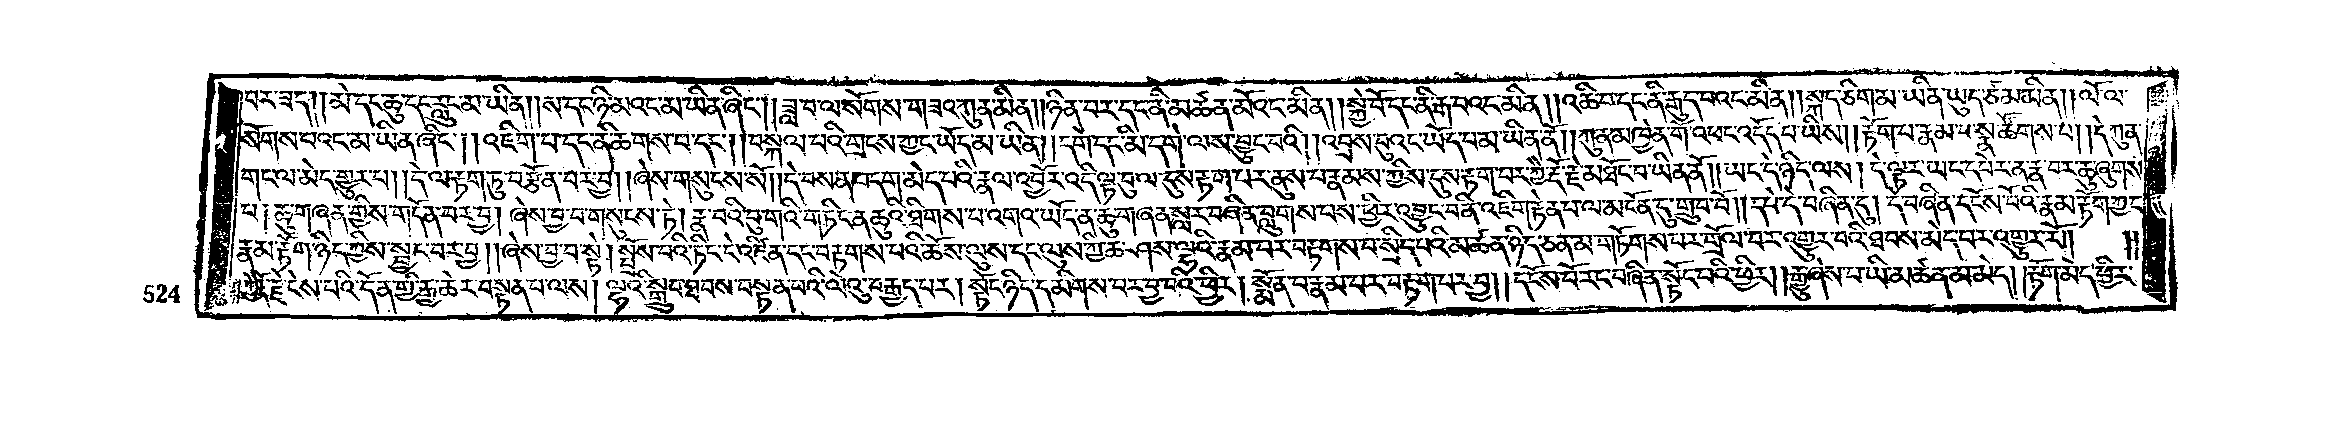བར་ཟད། །མེ་དང་ཆུ་དང་རླུང་མ་ཡིན། །ས་དང་ཉི་མའང་མ་ཡིན་ཞིང་། །ཟླ་བ་ལ་སོགས་གཟའ་ཀུན་མིན། །ཉིན་བར་དང་ནི་མཚན་མོའང་མིན། །སྐྱེ་བོ་དང་ནི་རྒ་བའང་མིན། །འཆི་བ་དང་ནི་རྒུད་པའང་མིན། །སྐད་ཅིག་མ་ཡིན་ཡུད་ཙམ་མིན། །ལོ་ལ་
སོགས་པའང་མ་ཡིན་ཞིང་། །འཇིག་པ་དང་ནི་ཆགས་པ་དང་། །བསྐལ་པའི་གྲངས་ཀྱང་ཡོད་མ་ཡིན། །དགེ་དང་མི་དགེ་ལས་བྱུང་བའི། །འབྲས་བུའང་ཡོད་པ་མ་ཡིན་ནོ། །ཀུན་མཁྱེན་གོ་འཕང་འདོད་པ་ཡིས། །རྟོག་པ་རྣམ་པ་སྣ་ཚོགས་པ། །དེ་ཀུན་
གང་ལ་མེད་གྱུར་པ། །དེ་ལ་རྟག་ཏུ་བརྩོན་བར་བྱ། །ཞེས་གསུངས་སོ། །དེ་བས་ན་བདག་མེད་པའི་རྣལ་འབྱོར་འདི་ལྟ་བུ་ལ་དུས་རྟག་པར་ནུས་པ་རྣམས་ཀྱིས་དུས་རྟག་པར་ཀྱཻ་རྡོ་རྗེ་མཐོང་བ་ཡིན་ནོ། །ཡང་དེ་ཉིད་ལས། དེ་ལྟར་ཡང་དཔེར་ན་རྣ་བར་ཆུ་ཞུགས་
པ། ཆུ་གཞན་གྱིས་གདོན་པར་བྱ། ཞེས་བྱ་བ་གསུངས་ཏེ། རྣ་བའི་བུ་གའི་གཏིང་ན་ཆུའི་ཐིགས་པ་འགའ་ཡོད་ན་ཆུ་གཞན་སླར་བཞིན་བླུགས་པས་ཕྱིར་འབྱུང་བ་ནི་འཇིག་རྟེན་པ་ལ་མངོན་དུ་གྲུབ་བོ། །དཔེ་དེ་བཞིན་དུ། དེ་བཞིན་དངོས་པོའི་རྣམ་རྟོག་ཀྱང་
རྣམ་རྟོག་ཉིད་ཀྱིས་སྦྱང་བར་བྱ། །ཞེས་བྱ་བ་སྟེ། སྤྲོས་པའི་ཏིང་ངེ་འཛིན་དང་བརྟགས་པའི་ཆོས་ལུས་དང་ལུས་ཀྱི་ཆ་ཤས་ལྷའི་རྣམ་པར་བརྟགས་པ་སྲིད་པའི་མཚན་ཉིད་ཅན་མ་གཏོགས་པར་གྲོལ་བར་འགྱུར་བའི་ཐབས་མེད་པར་འགྱུར་རོ།། །།
ཀྱཻ་རྡོ་རྗེ་ངེས་པའི་དོན་གྱི་རྒྱ་ཆེར་བསྟན་པ་ལས། ལྷའི་སྒྲུབ་ཐབས་བསྟན་པའི་ལེའུ་བརྒྱད་པར། སྟོང་ཉིད་དམིགས་པར་བྱ་བའི་ཕྱིར། སྨོན་པ་རྣམ་པར་བརྟག་པར་བྱ། །དངོས་པོ་རང་བཞིན་སྟོང་པའི་ཕྱིར། །རྒྱུ་ཞེས་པ་ཡི་མཚན་མ་མེད། །རྟོག་མེད་ཕྱིར་